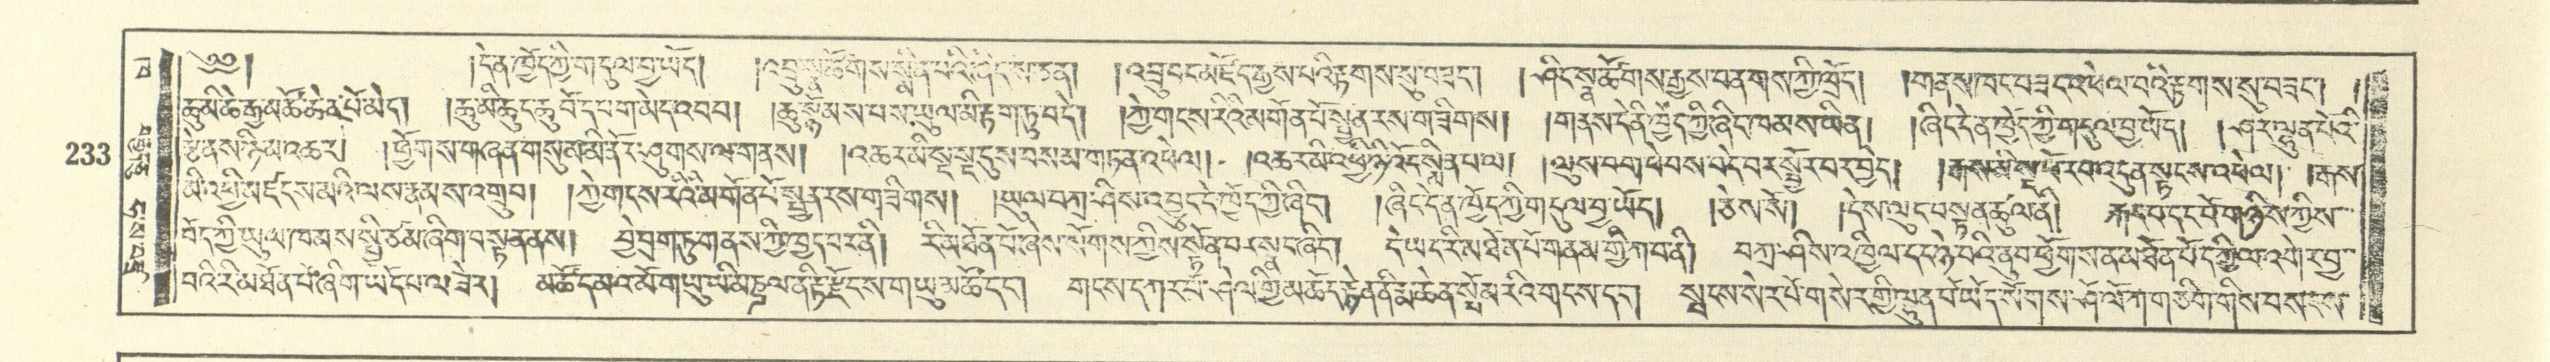༄༅། །དེ་ན་ཁྱོད་ཀྱི་གདུལ་བྱ་ཡོད། །འབྲུ་སྣ་ཚོགས་སྨིན་པའི་ཞིང་ས་ཅན། །འབྲུ་བང་མཛོད་རྒྱས་པའི་རྟགས་སུ་བཟང་། །ཤིང་སྣ་ཚོགས་རྒྱས་པ་ནགས་ཀྱི་ཁྲོད། །གནས་ཁང་བཟད་འཕེལ་བའི་རྟགས་སུ་བཟང་། །
ཆུ་མི་ཆེ་རྒྱ་མཚོ་ཆེན་པོ་མེད། །ཆུ་མི་ཆུང་ཆུ་བོ་དཔག་མེད་འབབ། །ཆུ་སྙོམས་པས་ཡུལ་མི་རྟག་ཏུ་བདེ། །ཀྱེ་གངས་རིའི་མགོན་པོ་སྤྱན་རས་གཟིགས། །གནས་དེ་ནི་ཁྱེད་ཀྱི་ཞིང་ཁམས་ཡིན། །ཞིང་དེ་ན་ཁྱོད་ཀྱི་གདུལ་བྱ་ཡོད། །ཤར་ལྷུན་པོའི་
རྩེ་ནས་ཉི་མ་འཆར། །ཕྱོགས་གཞན་གསུམ་མི་ནོར་ཤུགས་ལ་གནས། །འཆར་མི་སྔ་སྔ་དུས་བསམ་གཏན་འཕེལ། །འཆར་མི་འཕྱི་ཉི་འོད་སྨིན་པ་ལ། །ལུས་བག་ཕེབས་བདེ་བར་སྤྱོར་བར་བྱེད། །རྒས་མི་སྔ་ཕོ་རབ་འདུན་སྟངས་འཕེལ། །རྒས་
མི་འཕྱི་མཛངས་མའི་ལས་རྣམས་འགྲུབ། །ཀྱེ་གངས་རིའི་མགོན་པོ་སྦྱན་རས་གཟིགས། །ཡུལ་བཀྲ་ཤིས་འབྱུང་དེ་ཁྱོད་ཀྱི་ཞིང་། །ཞིང་དེ་ན་ཁྱོད་ཀྱི་གདུལ་བྱ་ཡོད། །ཅེས་སོ། །དེས་ལུང་བསྟན་ཚུལ་ནི། རྐང་པ་དང་པོ་གཉིས་ཀྱིས་
བོད་ཀྱི་ཡུལ་ཁམས་སྤྱི་ཙམ་ཞིག་བསྟན་ནས། བྱེ་བྲག་ཏུ་གནས་ཀྱི་ཁྱད་བར་ནི། རི་མཐོན་པོ་ཞེས་སོགས་ཀྱིས་སྟོན་པར་སྣང་ཞིང་། དེ་ཡང་རི་མཐོན་པོ་གནམ་གྱི་ཀ་བ་ནི། བཀྲ་ཤིས་འཁྱིལ་དང་ཉེ་བའི་ནུབ་ཕྱོགས་ན་མཐོན་པོ་དཀྱིལ་འགེར་བྱ་
བའི་རི་མཐོན་པོ་ཞིག་ཡོད་པ་ལ་ཟེར། མཚོ་དམའ་མོ་གཡུ་ཡི་མཎྜལ་ནི་རྟ་རྫོགས་གཡུ་མཚོ་དང་། གངས་དཀར་པོ་ཤེལ་གྱི་མཆོད་རྟེན་ནི་རྨ་ཆེན་སྤོམ་རའི་གངས་དང་། སྤངས་སེར་པོ་གསེར་གྱི་ལྷུན་པོ་ཡོད་སོགས་ཤོ་ལོ་ཀ་གཅིག་གིས་བསངས་